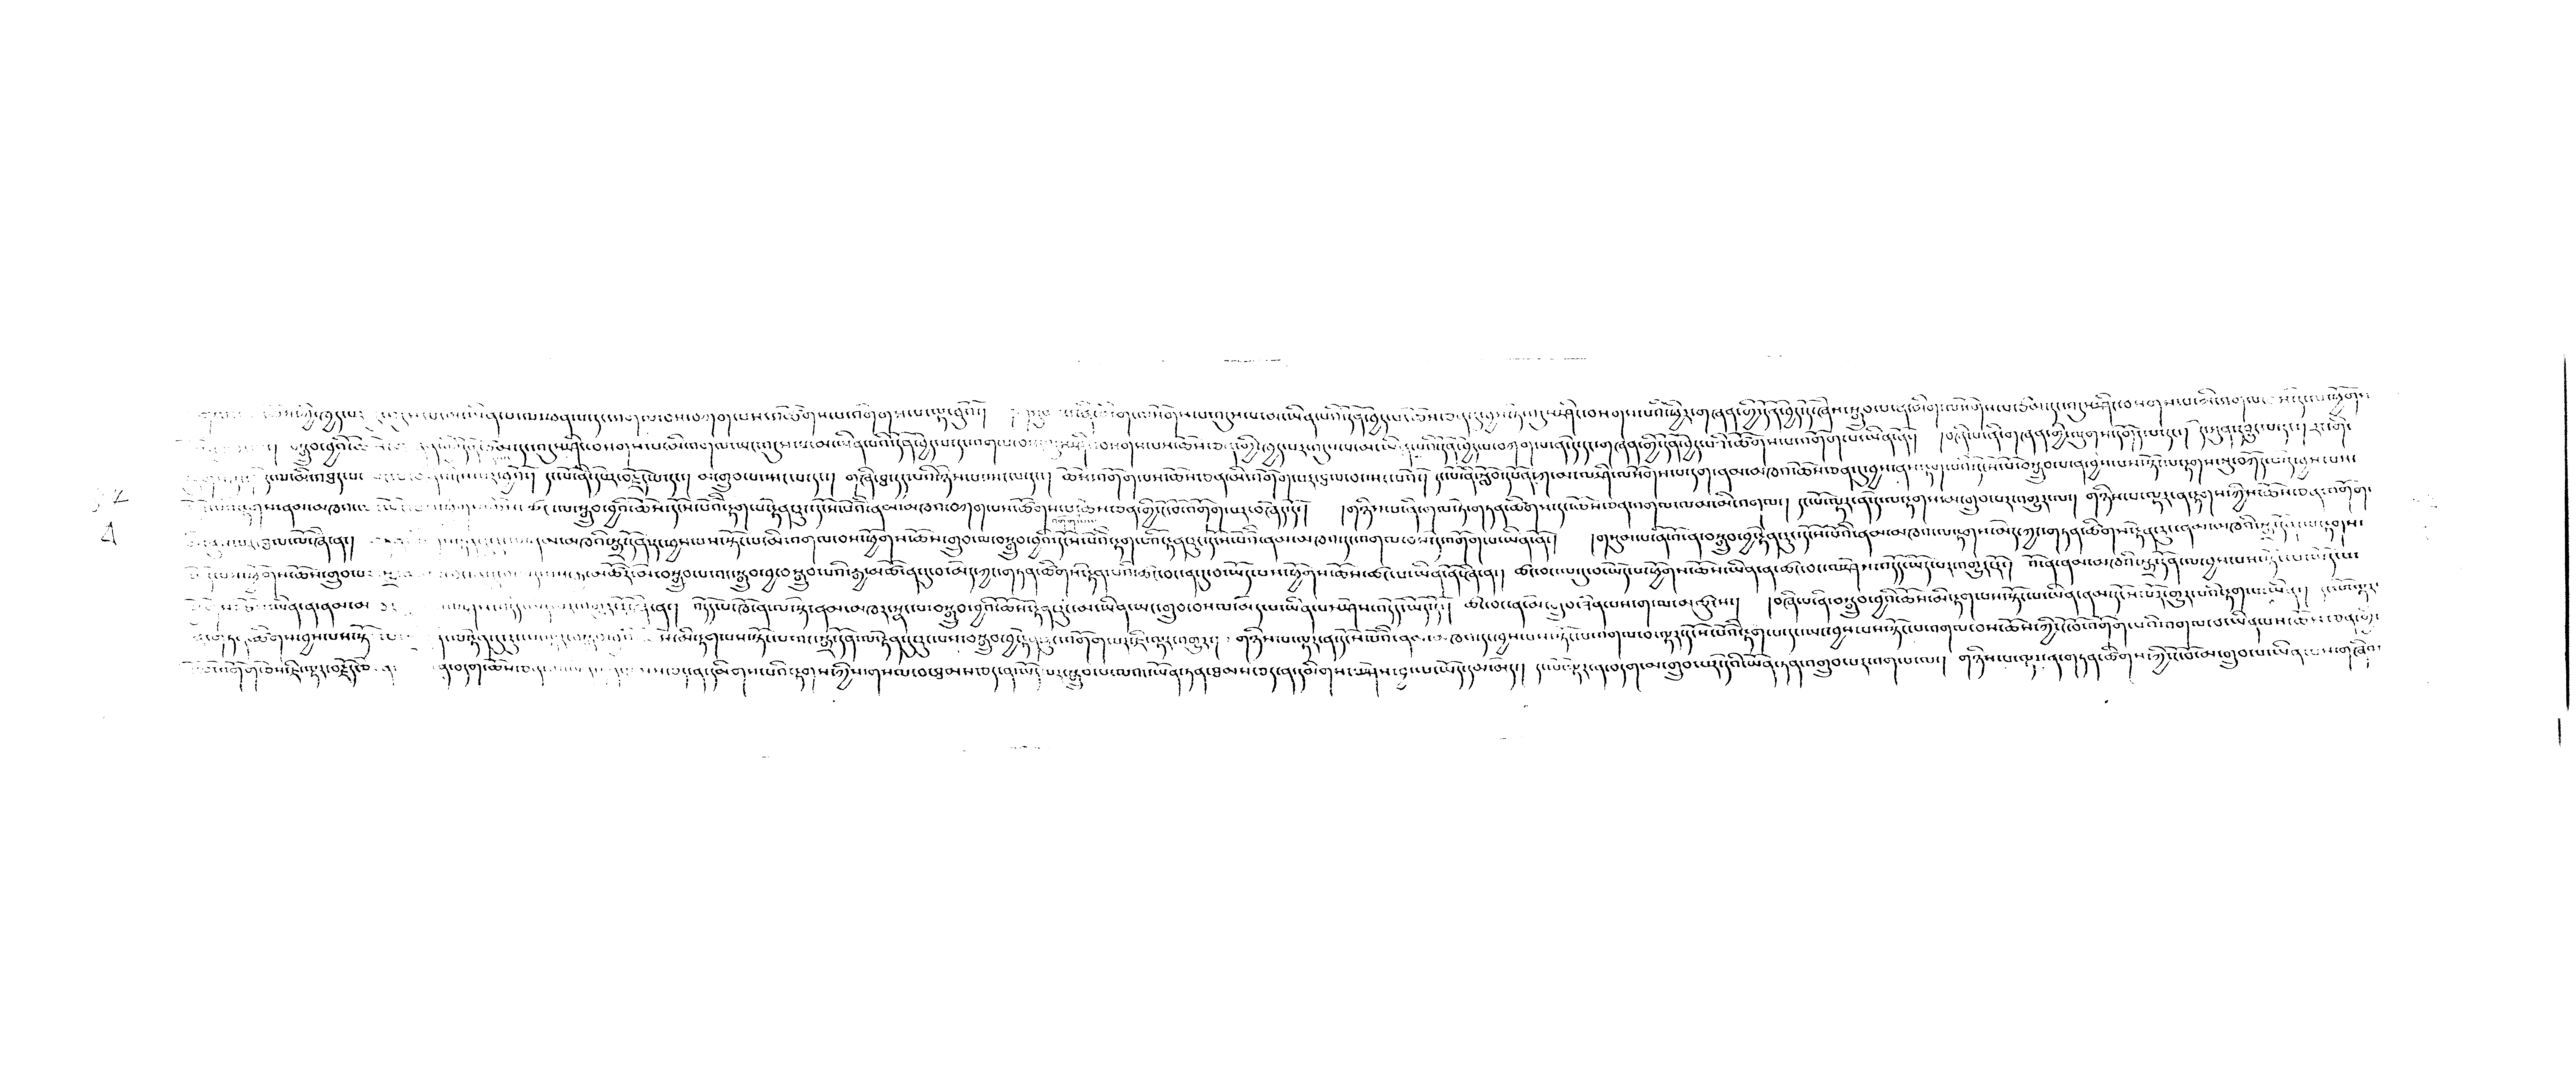??་ཆོས་ཀྱི་ཁྱད་པར་?་འདུས་པ་མ་ཡིན་པ་ལ་ཕན་པ་དང་འགལ་བས་བཀག་པས་འཚོགས་པ་འགོགས་པ་ལྟ་བུའོ། །གསུམ་པ་ནི་མིག་ལ་སོགས་པ་འདུས་པ་མ་ཡིན་པའི་དོན་བྱེད་པ་ཆོས་ཅན་དུ་བྱས་ཏེ་འདུས་ཤིང་བསགས་པའི་ཕྱིར་གཞན་གྱི་དོན་བྱེད་དོ་ཞེས་སྒྲུབ་པ་ན་མིག་ལ་སོགས་པ་ཙམ་དང་འདུས་ཤིང་བསགས་པ་མི་འགལ་པས་དེ་ལ་ཕྱོགས་
??། བསྒྲུབ་བྱའི་ཆོས་ཅན?་?སྤྱི་དོན་ཙམ་དང་འདུས་ཤིང་བསགས་པ་མི་འགལ་ཡང་འདུས་པ་མ་ཡིན་པའི་དོན་བྱེད་པ་དང་འགལ་བས་འདུས་ཤིང་བསགས་པས་ཆོས་ཅན་གྱི་ཁྱད་པར་འདུས་པ་མ་ཡིན་པའི་དོན་བྱེད་པ་བཀག་པ་ན་དེ་དང་གཞན་གྱི་དོན་བྱེད་པའི་ཚོགས་པ་འགོག་པ་ཡིན་ནོ། །བཞི་པ་ནི་གཞན་གྱི་ལུགས་དགོད་པ་དང་། དེ་སུན་དབྱུང་པ་དང་། རང་གི་
??་དེ་ལ་མི་འཐད་པ་??ཅན་པ་ངེས་པར་བྱའོ། དང་པོ་ནི་དཔེར་བརྗོད་པ་དང་། མ་གྲུབ་པ་སྤང་པ་དང་། གཞི་ཐ་དད་པའི་ཉེས་པ་སྤང་པ་དང་། ཆོས་འགོག་པས་ཆོས་ཅན་མི་འགོག་པར་ཐལ་བ་སྤང་པའོ། དང་པོ་ནི་སློབ་དཔོན་ཀ་མ་ལ་ཤི་ལ་སོགས་པ་དག་ནམ་མཁའ་ཆོས་ཅན་དུ་བྱས་ནས་རྟག་པའི་དངོས་པོ་བསྒྲུབ་པ་ན་བྱས་པས་སྟོང་པ་རྟགས་སུ་བཀོད་པ་དེ་བྱས་པས་
??་པོ?་རྟགས་ནམ་མཁའ་??་ཕྱོགས་ཆོས་ཚང་མ་སྒྲུབ་བྱའི་ཆོས་དངོས་པོའི་རྟག་པ་རྟེན་རུང་དངོས་པོའི་ནམ་མཁའ་བཀག་པས་ཚོགས་པ་འགོག་པས་ཆོས་ཅན་གྱི་ངོ་བོ་འགོག་པར་བཞེད་དོ། །གཉིས་པ་ནི་གལ་ཏེ་གཏན་ཚིགས་དང་ཆོས་ཅན་འགལ་ལམ་མི་འགལ། དང་པོ་ལྟར་ན་དེ་ལ་རྟགས་མ་གྲུབ་པར་འགྱུར་ལ། གཉིས་པ་ལྟར་ན་རྟགས་ཀྱིས་ཆོས་ཅན་འགོག་
?་པར་ཐལ་ལོ་ཞེ་ན། ??་ནམ་མཁའི་སྒྲ་དོན་རང་བྱས་པས་སྟོང་པ་མི་འགལ་བས་ཕྱོགས་ཆོས་གྲུབ་མ་བསྒྲུབ་བྱའི་དངོས་པོའི་རྟག་པའི་རྟེན་རུང་དངོས་པོའི་ནམ་མཁའ་དང་འགལ་བས་དེ་འགོག་པ་ཡིན་ནོ། །གསུམ་པ་ན་འོ་ན་བསྒྲུབ་བྱ་རྟེན་རུང་དངོས་པོའི་ནམ་མཁའ་ལ་རྟགས་མེད་ཀྱང་གཏན་ཚིགས་རྟེན་རུང་ནམ་མཁའི་སྒྲ་དོན་ལ་རྟགས་
ཡོད་པས་ཕྱོགས་ཆོས་གྲུབ་པས?་?སྨྲ་བ?་རྒྱ་མཚོར་མེ་བསྒྲུབ་པ་འང་སྒྲུབ་བྱ་བསྒྲུབ་པའི་རྒྱ་མཚོ་ན་དུ་བ་མེད་ཀྱང་གཏན་ཚིགས་རྟེན་པའི་ཚང་བང་ན་དུ་བ་ཡོད་པས་ཕྱོགས་ཆོས་ཚང་པ་ཡིན་ནོ་ཞེ་ན། ཚང་བང་ལ་དུ་བ་ཡོད་པ་ཕྱོགས་ཆོས་ཡིན་ན་ཚང་བང་ལ་ཤེས་འདོད་ཡོད་པར་འགྱུར་རོ། འོ་ན་ནམ་མཁའི་སྒྲ་དོན་ལ་བྱས་པས་སྟོང་པ་ཡོད་པ་
ཕྱོགས?་ཆོས་ཡིན་ན་ནམ་མཁའ?་?་ཤེས་འདོད་པ་ཡོད?་པར་འགྱུར་རོ་ཞེ་ན། འདོད་པ་ཁོ་ན་ལ་སྟེ་ནམ་མཁར་སྣང་པ་བསྒྲུབ་བྱའི་ཆོས་རྟེན་རུང་མ་ཡིན་ཡང་གྲུབ་བསལ་མེད་པ་ཡིན་པས་ཤེས་འདོད་ཡོད་དོ། ཚང་བང་ན་མེ་གྲུབ་ཟིན་པས་ག་ལ་མཚུངས། །བཞི་པ་ནི་བསྒྲུབ་བྱའི་ཆོས་མི་རྟག་པས་སྟོང་པ་ཡིན་ནམ་དངོས་པོར་གྱུར་པའི་རྟག་པ་ཡིན། དང་པོ་ལྟར་
?་གཏན་ཚིགས་བྱས་པས་སྟོང་པ་?་ལ་རྟེན་དུ་རུང་པ་ལྟར་བསྒྲུབ་བྱའི་?་?་མི་རྟག་པས་སྟོང་པ་འང་སྒྲ་དོན་ལ་རྟེན་དུ་རུང་པས་བསྒྲུབ་བྱ་རྟེན་རུང་འགོག་པར་ཇི་ལྟར་འགྱུར། གཉིས་པ་ལྟར་ན་དངོས་པོའི་ནམ་མཁའ་དང་བྱས་པས་སྟོང་པ་འགལ་བ་ལྟར་དངོས་པོའི་རྟག་པ་དང་ཡང་བྱས་པས་སྟོང་པ་འགལ་བས་ཆོས་ཀྱི་ངོ་བོ་འགོག་པའི་འགལ་བ་ཡིན་པས་ཆོས་ཅན་གྱི་
??་འགོག་ཅེས་ཇི་ལྟར་བརྗོད་ཅེ་ན། ??་བདག་ཆོས་ཅན་?་?ཐམས་ཅད་ན་དམིགས་པའི་རྟགས་ཀྱིས་གསལ་བ་ཐམས་ཅད་ན་ཡོད་པར་སྒྲུབ་པ་ལའང་ཡོན་ཏན་ཐམས་ཅད་ན་དམིགས་པ་ཤེས་བྱ་ལ་ཡོད་དམ་མེད། དང་པོ་ལྟར་ན་བདག་མ་གྲུབ་པར་དེའི་ཡོན་ཏན་འགྲུབ་པར་འགལ་ལ། གཉིས་པ་ལྟར་ན་གཏན་ཚིགས་ཀྱི་ངོ་བོ་མ་གྲུབ་པ་ཡིན་པས་གཞིའ་